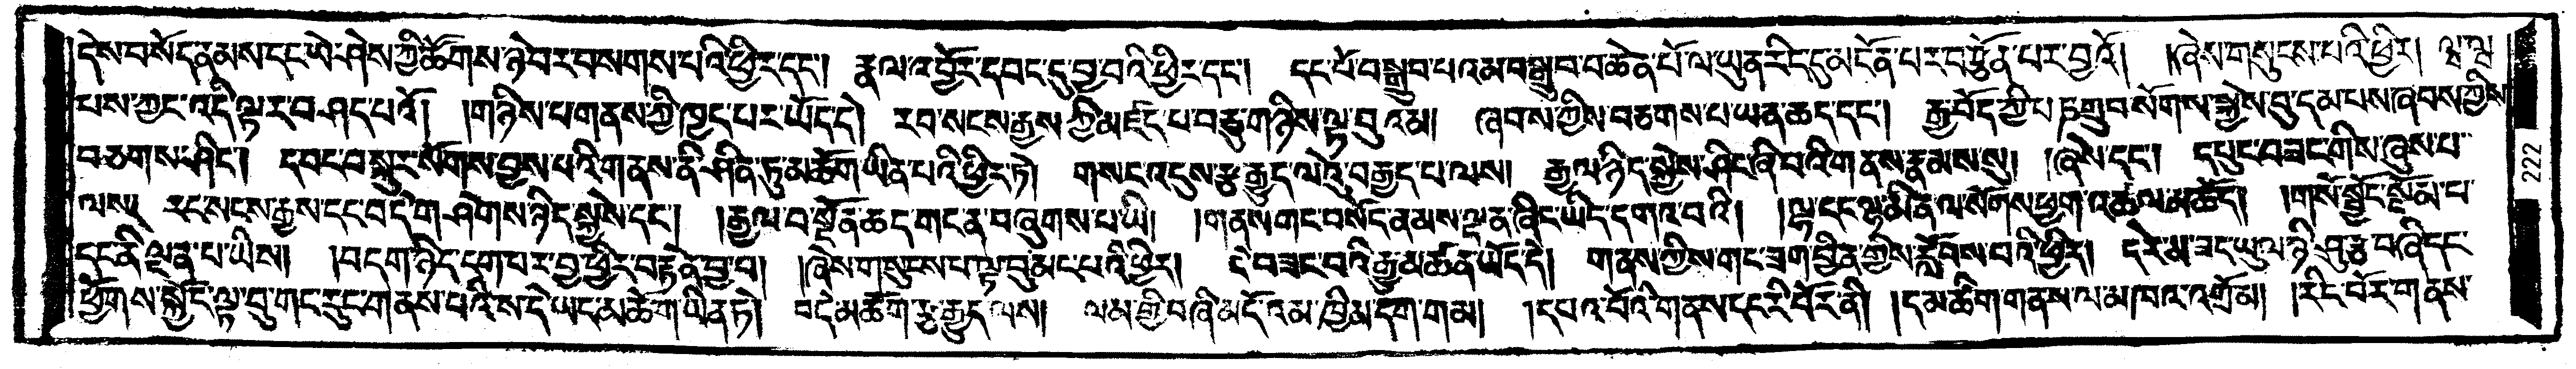དེས་བསོད་ནམས་དང་ཡེ་ཤེས་ཀྱི་ཚོགས་ཉེ་བར་བསགས་པའི་ཕྱིར་དང་། རྣལ་འབྱོར་དབང་དུ་བྱ་བའི་ཕྱིར་དང་། དང་པོ་བསྒྲུབ་པའམ་བསྒྲུབ་པ་ཆེན་པོ་ལ་ཡུན་རིང་དུ་མངོན་པར་བརྩོན་པར་བྱའོ། །ཞེས་གསུངས་པའི་ཕྱིར། ཝ་ཝ་
པས་ཀྱང་འདི་ལྟར་བཤད་པའོ། །གཉིས་པ་གནས་ཀྱི་ཁྱད་པར་ཡོད་དེ། རབ་སངས་རྒྱས་ཀྱི་མཛད་པ་བཅུ་གཉིས་ལྟ་བུའམ། ཞབས་ཀྱིས་བཅགས་པ་ཡན་ཆད་དང་། རྒྱ་བོད་ཀྱི་པཎ་གྲུབ་སོགས་སྐྱེས་བུ་དམ་པས་ཞབས་ཀྱིས་
བཅགས་ཤིང་། དབང་བསྐུར་སོགས་བྱས་པའི་གནས་ནི་ཤིན་ཏུ་མཆོག་ཡིན་པའི་ཕྱིར་ཏེ། གསང་འདུས་རྩ་རྒྱུད་ལེའུ་བརྒྱད་པ་ལས། རྒྱལ་ཉིད་སྐྱེས་ཤིང་ཞི་བའི་གནས་རྣམས་སུ། །ཞེས་དང་། དཔུང་བཟང་གིས་ཞུས་པ་
ལས༑ རང་སངས་རྒྱས་དང་བདེ་གཤེགས་ཉིད་སྐྱེས་དང་། །རྒྱལ་བ་སྔོན་ཆད་གང་ན་བཞུགས་པ་ཡི། །གནས་གང་བསོད་ནམས་ལྡན་ཞིང་ཡིད་དགའ་བའི། །ལྷ་དང་ལྷ་མིན་ལ་སོགས་ཕྱག་འཚལ་མཆོད། །གསོ་སྦྱོང་སྡོམ་པ་
དང་ནི་ལྡན་པ་ཡིས། །བདག་ཉིད་དག་པར་བྱ་ཕྱིར་བརྟེན་བྱ་བ། །ཞེས་གསུངས་པ་ལྟ་བུ་མང་པའི་ཕྱིར། དེ་བཟང་བའི་རྒྱུ་མཚན་ཡོད་དེ། གནས་ཀྱིས་གང་ཟག་བྱིན་གྱིས་རློབས་པའི་ཕྱིར། དེར་མ་ཟད་ཡུལ་ཉི་ཤུ་རྩ་བཞི་དང་
ཕྱོགས་སྐྱོང་ལྟ་བུ་གང་རུང་གནས་པའི་ས་དེ་ཡང་མཆོག་ཡིན་ཏེ། བདེ་མཆོག་རྩ་རྒྱུད་ལས། ལམ་གྱི་བཞི་མདོ་འམ་ཁྱིམ་དག་གམ། །དཔའ་བོའི་གནས་དང་རི་བོར་ནི། །དམ་ཚིག་གནས་ལ་མཁའ་འགྲོ་མ། །རིང་པོར་གནས་